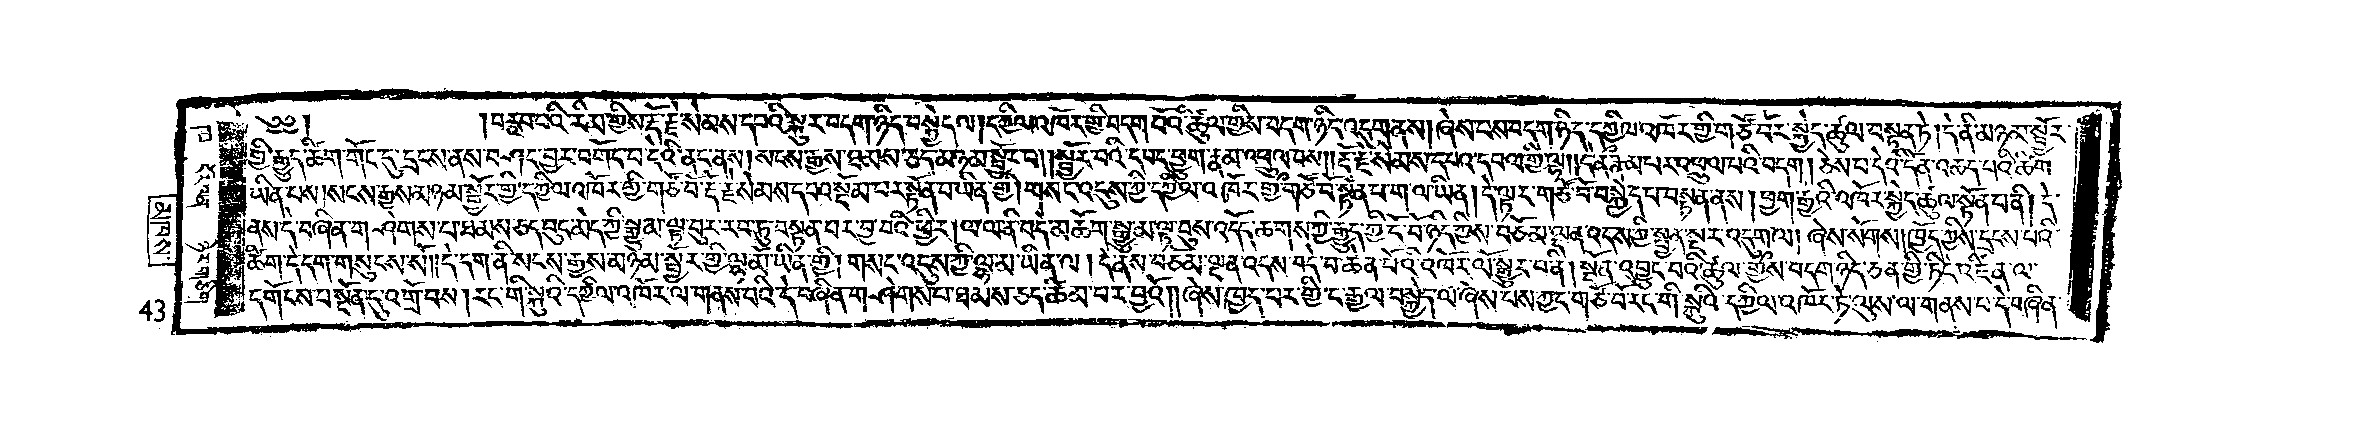༄༅། །བརླབ་པའི་རིམ་གྱིས་རྡོ་རྗེ་སེམས་དཔའི་སྐུར་བདག་ཉིད་བསྐྱེད་ལ། དཀྱིལ་འཁོར་གྱི་བདག་པོའི་ཚུལ་གྱིས་བདག་ཉིད་འདུག་ནས། ཞེས་པས་བདག་ཉིད་དཀྱིལ་འཁོར་གྱི་གཙོ་བོར་སྐྱེད་ཚུལ་བསྟན་ཏེ། དེ་ནི་མཉམ་སྦྱོར་
གྱི་རྒྱུད་ཚིག་གོང་དུ་དྲངས་ནས་བཤད་བྱར་བགོད་པ་དེའི་ནང་ནས། སངས་རྒྱས་ཐམས་ཅད་མཉམ་སྦྱོར་བ། །སྦྱོར་བའི་དབང་ཕྱུག་རྣམ་འཕྲུལ་བས། །རྡོ་རྗེ་སེམས་དཔའ་དཔལ་གྱི་ལྷ། །དེ་ནི་རྣམ་པར་འཕྲུལ་པའི་བདག། ཅེས་པ་དེའི་དོན་འཆད་པའི་ཚིག་
ཡིན་པས། སངས་རྒྱས་མཉམ་སྦྱོར་གྱི་དཀྱིལ་འཁོར་གྱི་གཙོ་བོ་རྡོ་རྗེ་སེམས་དཔའ་སྡོམ་པར་སྟོན་པ་ཡིན་གྱི། གསང་འདུས་ཀྱི་དཀྱིལ་འཁོར་གྱི་གཙོ་བོ་སྟོན་པ་ག་ལ་ཡིན། དེ་ལྟར་གཙོ་བོ་བསྐྱེད་པ་བསྟན་ནས། ཕྱག་རྒྱའི་འཁོར་སྐྱེད་ཚུལ་སྟོན་པ་ནི། དེ་
ནས་དེ་བཞིན་གཤེགས་པ་ཐམས་ཅད་བུད་མེད་ཀྱི་སྒྱུ་མ་ལྟ་བུར་རབ་ཏུ་བསྟན་པར་བྱ་བའི་ཕྱིར། ལ་ལ་ནི་བདེ་མཆོག་སྒྱུ་མ་ལྟ་བུས་འདོད་ཆགས་ཀྱི་རྒྱུད་ཀྱི་ངོ་བོ་ཉིད་ཀྱིས་བཅོམ་ལྡན་འདས་ཀྱི་སྤྱན་སྔར་འདུག་ལ། ཞེས་སོགས། ཁྱོད་ཀྱིས་དྲངས་པའི་
ཚིག་དེ་དག་གསུངས་སོ། །དེ་དག་ནི་སངས་རྒྱས་མཉམ་སྦྱོར་གྱི་ལྷ་མོ་ཡིན་གྱི། གསང་འདུས་ཀྱི་ལྷ་མ་ཡིན་ལ། དེ་ནས་བཅོམ་ལྡན་འདས་བདེ་བ་ཆེན་པོའི་འཁོར་ལོ་སྒྱུར་བ་ནི། སྔོན་འབྱུང་བའི་ཚུལ་གྱིས་བདག་ཉིད་ཅན་གྱི་ཏིང་ངེ་འཛིན་ལ་
དགོངས་པ་སྔོན་དུ་འགྲོ་བས། རང་གི་སྐུའི་དཀྱིལ་འཁོར་ལ་གནས་པའི་དེ་བཞིན་གཤེགས་པ་ཐམས་ཅད་ཚིམ་པར་བྱའོ། །ཞེས་ཁྱད་པར་གྱི་ང་རྒྱལ་བསྐྱེད་ལ་ཞེས་པས་ཀྱང་གཙོ་བོ་རང་གི་སྐུའི་དཀྱིལ་འཁོར་ཏེ་ལུས་ལ་གནས་པ་དེ་བཞིན་